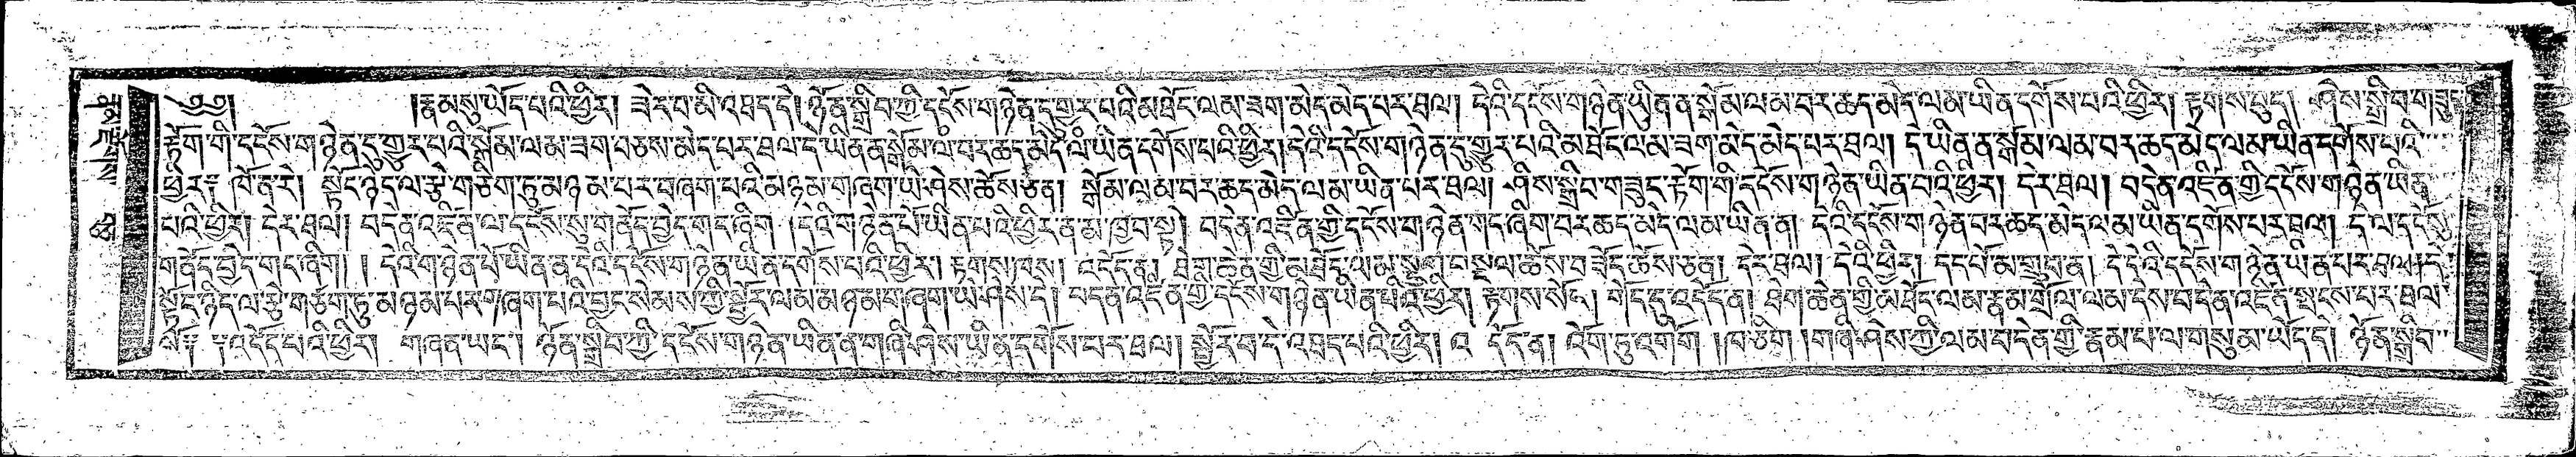༄༅། །རྣམས་སུ་ཡོད་པའི་ཕྱིར། ཟེར་བ་མི་འཐད་དེ། ཉོན་སྒྲིབ་ཀྱི་དངོས་གཉེན་དུ་གྱུར་པའི་མཐོང་ལམ་ཟག་མེད་མེད་པར་ཐལ། དེའི་དངོས་གཉེན་ཡིན་ན་སྒོམ་ལམ་བར་ཆད་མེད་ལམ་ཡིན་དགོས་པའི་ཕྱིར། རྟགས་བུད། ཤེས་སྒྲིབ་གཟུང་
རྟོག་གི་དངོས་གཉེན་དུ་གྱུར་པའི་སྒོམ་ལམ་ཟག་བཅས་མེད་པར་ཐལ་དེ་ཡིན་ན་སྒོམ་ལམ་བར་ཆད་མེད་ལམ་ཡིན་དགོས་པའི་ཕྱིར། དེའི་དངོས་གཉེན་དུ་གྱུར་པའི་མཐོང་ལམ་ཟག་མེད་མེད་པར་ཐལ། དེ་ཡིན་ན་སྒོམ་ལམ་བར་ཆད་མེད་ལམ་ཡིན་དགོས་པའི་
ཕྱིར༑ ཁོ་ན་རེ། སྟོང་ཉིད་ལ་རྩེ་གཅིག་ཏུ་མཉམ་པར་བཞག་པའི་མཉམ་གཞག་ཡེ་ཤེས་ཆོས་ཅན། སྒོམ་ལམ་བར་ཆད་མེད་ལམ་ཡིན་པར་ཐལ། ཤེས་སྒྲིབ་གཟུང་རྟོག་གི་དངོས་གཉེན་ཡིན་པའི་ཕྱིར། དེར་ཐལ། བདེན་འཛིན་གྱི་དངོས་གཉེན་ཡིན་
པའི་ཕྱིར། དེར་ཐལ། བདེན་འཛིན་ལ་དངོས་སུ་གནོད་བྱེད་གང་ཞིག །དེའི་གཉེན་པོ་ཡིན་པའི་ཕྱིར། ན་མ་ཁྱབ་སྟེ། བདེན་འཛིན་གྱི་དངོས་གཉེན་གང་ཞིག་བར་ཆད་མེད་ལམ་ཡིན་ན། དེའི་དངོས་གཉེན་བར་ཆད་མེད་ལམ་ཡིན་དགོས་པར་ཐལ། དེ་ལ་དངོས་སུ་
གནོད་བྱེད་གང་ཞིག། །དེའི་གཉེན་པོ་ཡིན་ན་དེའི་དངོས་གཉེན་ཡིན་དགོས་པའི་ཕྱིར། རྟགས་ཁས། འདོད་ན། ཐེག་ཆེན་གྱི་མཐོང་ལམ་སྡུག་བསྔལ་ཆོས་བཟོད་ཆོས་ཅན། དེར་ཐལ། དེའི་ཕྱིར། དང་པོ་མ་གྲུབ་ན། དེ་དེའི་དངོས་གཉེན་ཡིན་པར་ཐལ། དེ་
སྟོང་ཉིད་ལ་རྩེ་གཅིག་ཏུ་མཉམ་པར་གཞག་པའི་བྱང་སེམས་ཀྱི་སྦྱོར་ལམ་མཉམ་གཞག་ཡེ་ཤེས་དེ། བདེན་འཛིན་གྱི་དངོས་གཉེན་ཡིན་པའི་ཕྱིར། རྟགས་སོང་། གོང་དུ་འདོད་ན། ཐེག་ཆེན་གྱི་མཐོང་ལམ་རྣམ་གྲོལ་ལམ་དེས་བདེན་འཛིན་སྤངས་པར་ཐལ་
༑ ༑འདོད་པའི་ཕྱིར། གཞན་ཡང་། ཉོན་སྒྲིབ་ཀྱི་དངོས་གཉེན་ཡིན་ན་གཞི་ཤེས་ཡིན་དགོས་པར་ཐལ། སྦྱོར་བ་དེ་འཐད་པའི་ཕྱིར། འདོད་ན། འོག་ཏུ་འགོག །ཁ་ཅིག །གཞི་ཤེས་ཀྱི་ལམ་བདེན་གྱི་རྣམ་པ་ལ་གསུམ་ཡོད་དེ། ཉོན་སྒྲིབ་